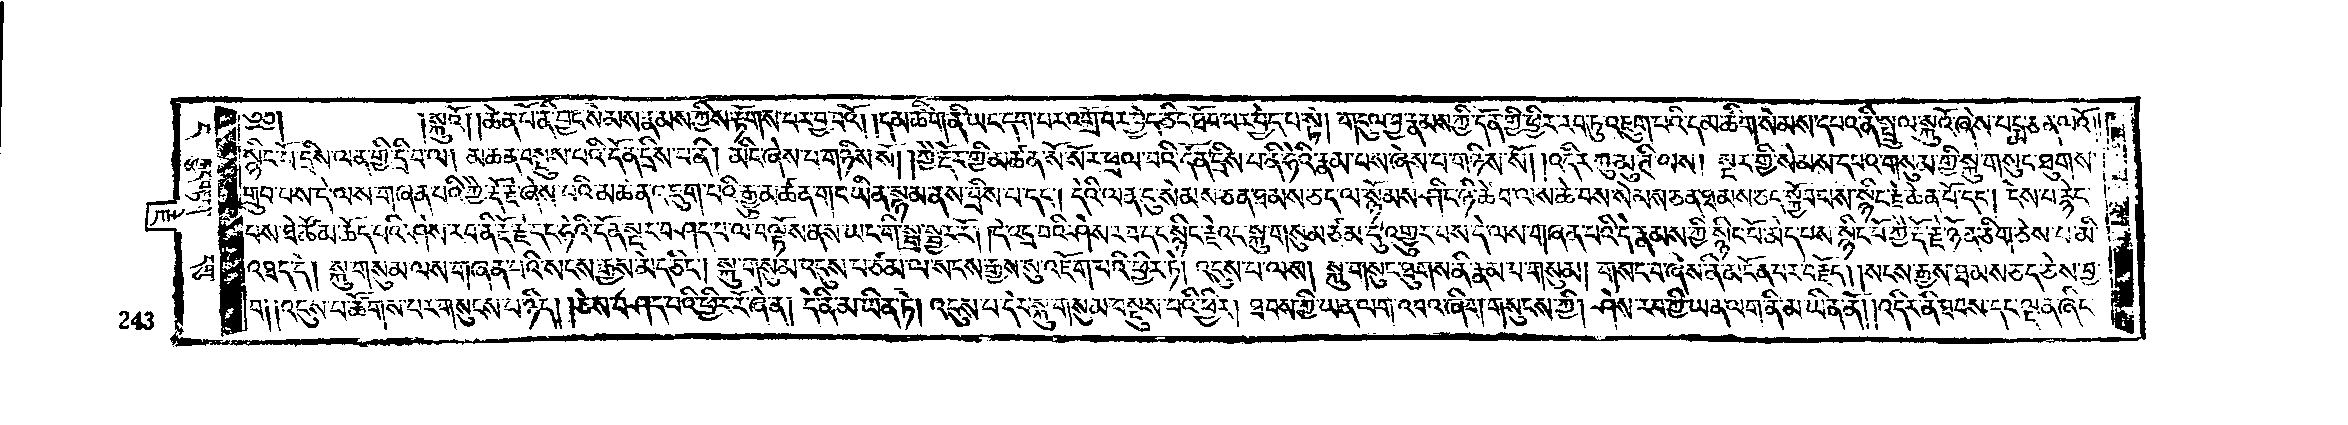༄༅། །སྐུའོ། །ཆེན་པོ་ནི་བྱང་སེམས་རྣམས་ཀྱིས་རྟོགས་པར་བྱ་བའོ། །དམ་ཚིག་ནི་ཡང་དག་པར་འགྲོ་བར་བྱེད་ཅིང་ཐོབ་པར་བྱེད་པ་སྟེ། གདུལ་བྱ་རྣམས་ཀྱི་དོན་གྱི་ཕྱིར་རབ་ཏུ་འཇུག་པའི་དམ་ཚིག་སེམས་དཔའ་ནི་སྤྲུལ་སྐུའོ་ཞེས་པདམ་ཅན་ལའོ།།
སྙིང་པོ་དྲིས་ལན་གྱི་དྲི་བ་ལ། མཚན་བསྡུས་པའི་དོན་དྲིས་པ་ནི། མིང་ཞེས་པ་གཉིས་སོ། །ཀྱཻ་རྡོར་གྱི་མཚན་སོ་སོར་ཕྲལ་བའི་དོན་དྲིས་པ་ནི་ཧེའི་རྣམ་པས་ཞེས་པ་གཉིས་སོ། །འདིར་ཀུ་མུ་ཊི་ལས། སྔར་གྱི་སེམས་དཔའ་གསུམ་གྱི་སྐུ་གསུང་ཐུགས་
གྲུབ་པས་དེ་ལས་གཞན་པའི་ཀྱཻ་རྡོ་རྗེ་ཞེས་པའི་མཚན་འཇུག་པའི་རྒྱུ་མཚན་གང་ཡིན་སྙམ་ནས་བྲིས་པ་དང་། དེའི་ལན་དུ་སེམས་ཅན་ཐམས་ཅད་ལ་སྙོམས་ཤིང་ཉི་ཚེ་བ་ལས་ཆེ་བས་སེམས་ཅན་ཐམས་ཅད་སྐྱོབ་པས་སྙིང་རྗེ་ཆེན་པོ་དང་། ངེས་པ་རྙེད་
པས་ཐེ་ཚོམ་ཆོད་པའི་ཤེས་རབ་ནི་རྡོ་རྗེ་དང་ཧེའི་དོན་སྔར་བཤད་པ་ལ་བལྟོས་ནས་ཡང་གི་སྒྲ་སྦྱར་རོ། །དེ་འདྲ་བའི་ཤེས་རབ་དང་སྙིང་རྗེའང་སྐུ་གསུམ་ཙམ་དུ་འགྱུར་བས་དེ་ལས་གཞན་པའི་དེ་རྣམས་ཀྱི་སྙིང་པོ་མེད་པས་སྙིང་པོ་ཀྱཻ་རྡོ་རྗེ་ཉོན་ཅིག་ཅེས་པ་མི་
འཐད་དེ། སྐུ་གསུམ་ལས་གཞན་པའི་སངས་རྒྱས་མེད་ཅིང་། སྐུ་གསུམ་འདུས་པ་ཙམ་ལ་སངས་རྒྱས་སུ་འཇོག་པའི་ཕྱིར་ཏེ། འདུས་པ་ལས། སྐུ་གསུང་ཐུགས་ནི་རྣམ་པ་གསུམ། གསང་བ་ཞེས་ནི་མངོན་པར་བརྗོད། །སངས་རྒྱས་ཐམས་ཅད་ཅེས་བྱ་
བ། །འདུས་པ་ཚོགས་པར་གསུངས་པ་ཉིད། །ཅེས་བཤད་པའི་ཕྱིར་རོ་ཞེ་ན། དེ་ནི་མ་ཡིན་ཏེ། འདུས་པ་དེར་སྐུ་གསུམ་བསྡུས་པའི་ཕྱིར། ཐབས་ཀྱི་ཡན་ལག་འབའ་ཞིག་གསུངས་ཀྱི། ཤེས་རབ་ཀྱི་ཡན་ལག་ནི་མ་ཡིན་ནོ། །འདིར་ནི་ཐབས་དང་ལྡན་ཞིང་